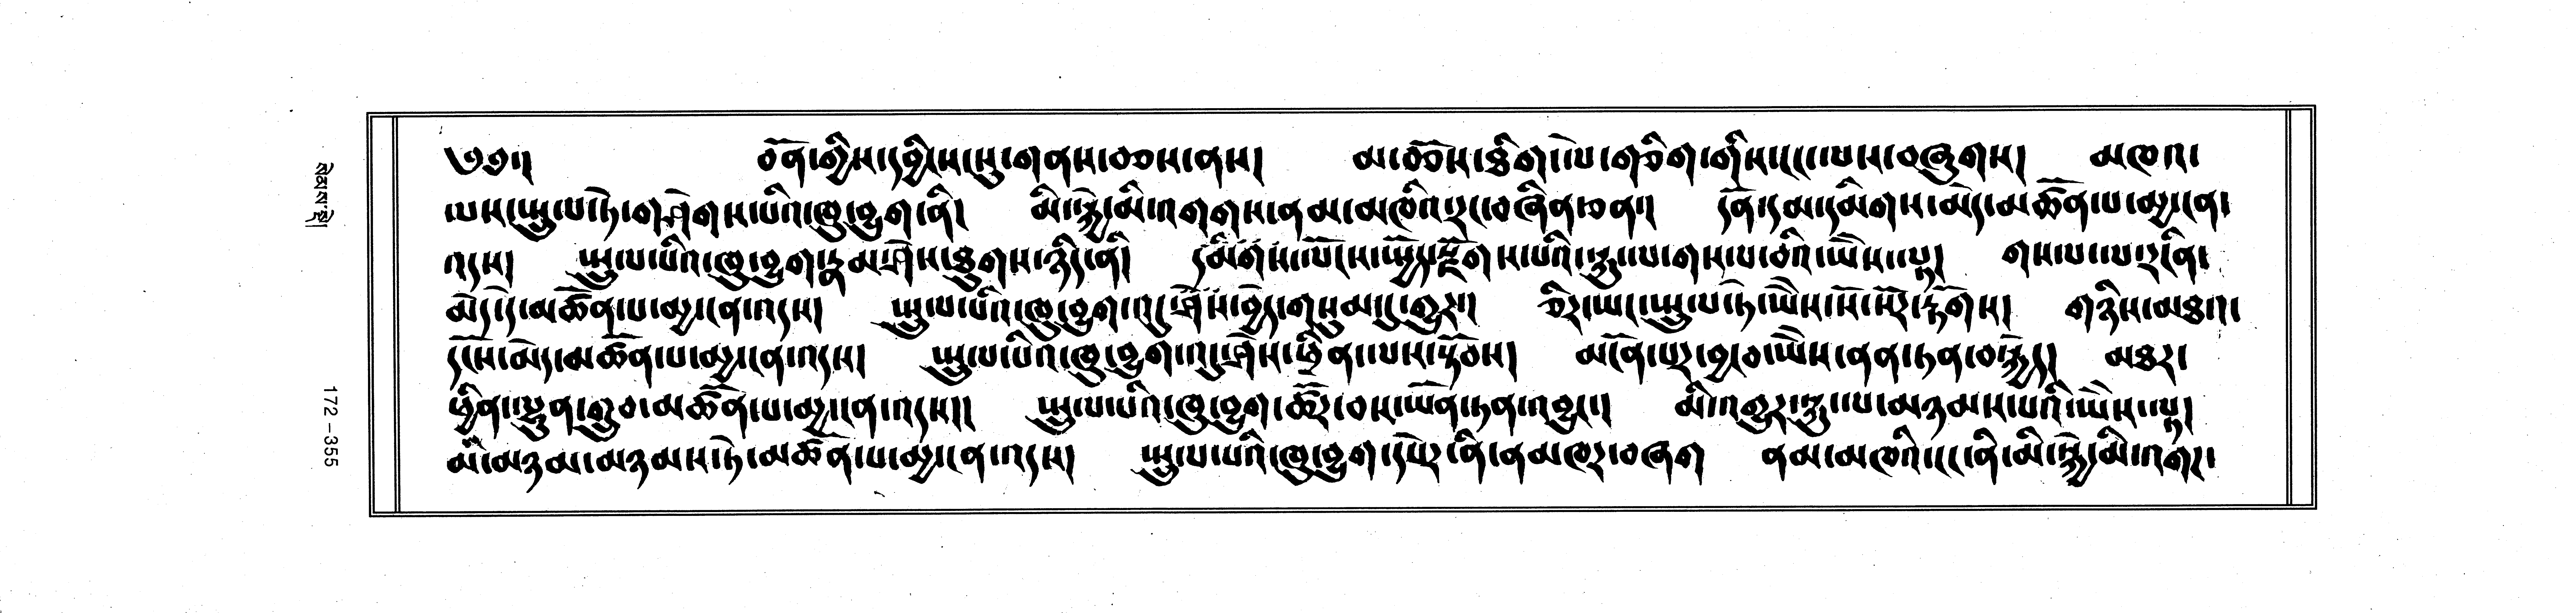བོན་གྱིས་དབྱིངས་སུ་གནས་བཅས་ནས། མ་བཅོས་ཐིག་ལེ་གཅིག་གིས་ངང་ལས་བཞུགས། མཁའ་
ལས་སྤྲུལ་ཏེ་གཤེགས་པའི་ཁུ་བྱུག་ནི། མི་སྐྱེ་མི་འགགས་ནམ་མཁའི་རང་བཞིན་ཅན། དོན་དམ་དམིགས་མེད་མཚོན་པ་མྱ་ངན་
འདས། སྤྲུལ་པའི་ཁུ་བྱུག་རྣམ་ཤེས་ཐུགས་ཉིད་ནི། ལོངས་སྤྱོད་རྫོགས་པའི་སྐུ་ལ་གསལ་བའི་ཡེ་ཤེས་ལྟ། གསལ་ལ་རང་བཞིན་
མེད་དེ་མཚོན་པ་མྱ་ངན་འདས། སྤྲུལ་པའི་ཁུ་བྱུག་འདུ་བྱེད་གསུམ་དུ་གྱུར། ཅིར་ཡང་སྤྲུལ་ཏེ་ཡེ་ཤེས་སོ་སོར་རྟོགས། གཉིས་མཐའ་
དངོས་མེད་མཚོན་པ་མྱ་ངན་འདས། སྤྲུལ་པའི་ཁུ་བྱུག་འདུ་ཤེས་ཕྲིན་ལས་སྟོབས། མངོན་པར་བྱང་ཆུབ་ཡེ་ཤེས་ནན་ཏན་བསྐྱེད། མཐར་
ཕྱིན་ལྷུན་གྲུབ་མཚོན་པ་མྱ་ངན་འདས། སྤྲུལ་པའི་ཁུ་བྱུག་ཚོར་བས་ཡོན་ཏན་འབྱུང་། མི་འགྱུར་སྐུ་ལ་མཉམས་པའི་ཡེ་ཤེས་ལྟ། 
མི་མཉམ་མཉམས་ཏེ་མཚོན་པ་མྱ་ངན་འདས། སྤྲུལ་པའི་ཁུ་བྱུག་དཔེར་ནི་ནམ་མཁར་བཞག ནམ་མཁའི་ངང་ནི་མི་སྐྱེ་མི་འགགས་